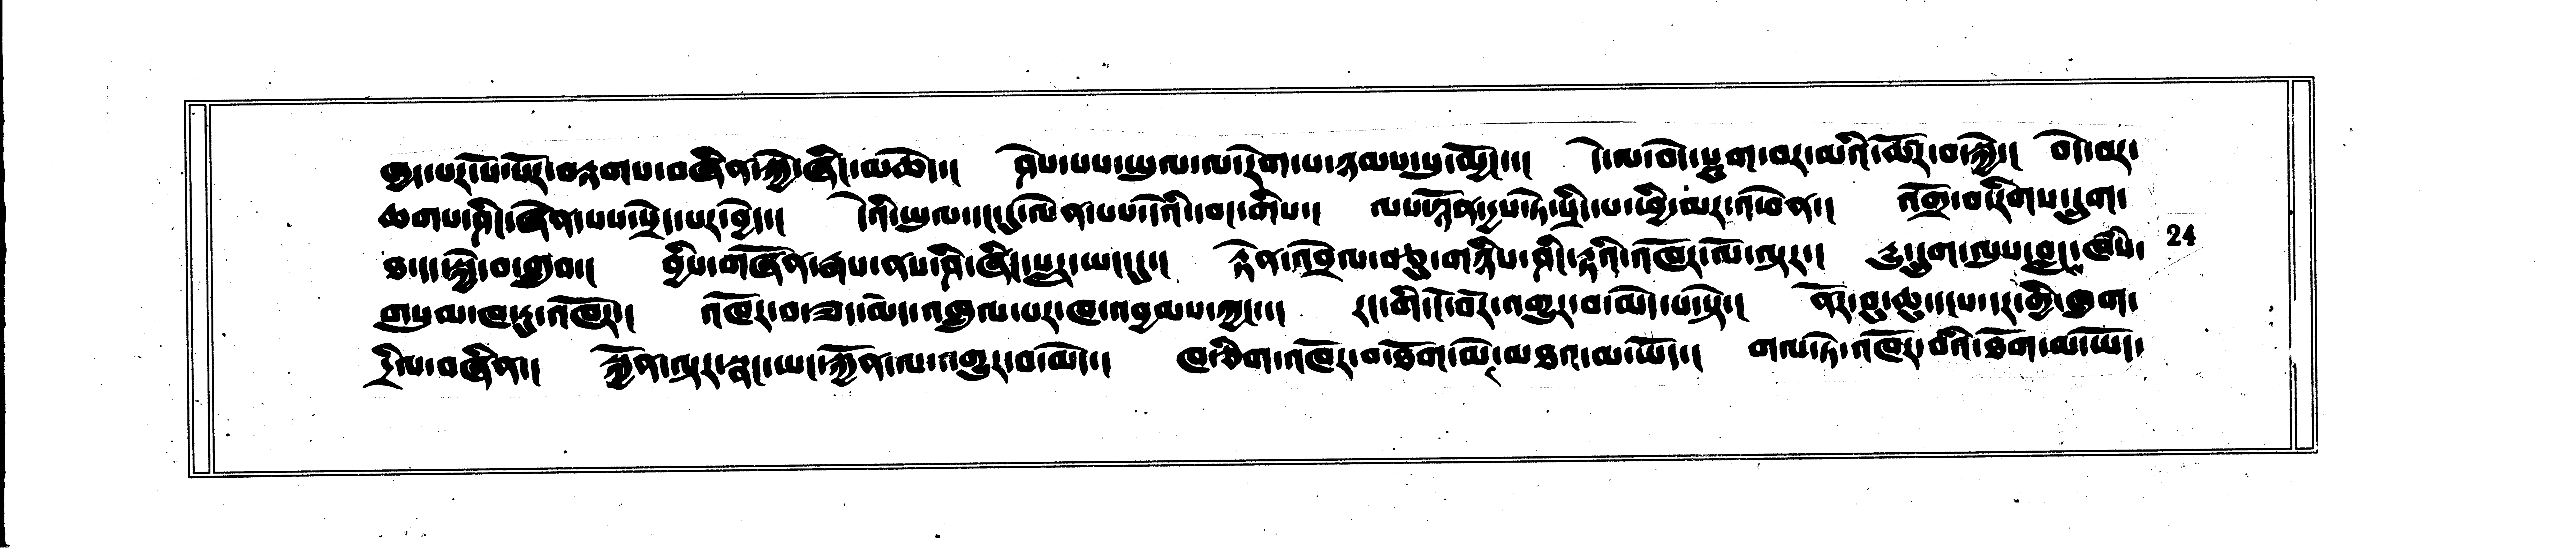ཁྱད་པར་སོ་སོར་བརྟག་བཞིན་སྐྱེ་ཞིང་མཆེད། །ཤེས་པས་ཡུལ་ལ་རེག་པ་ཉམས་སུ་མྱོང་། །དེ་ལ་བདེ་སྡུག་བར་མའི་ཚོར་བ་སྐྱེ། །བདེ་བར་
ཆགས་ཤིང་ཞེན་པས་སྲེད་པར་བྱེད། །དེའི་ཡུལ་དང་དུ་ལེན་པས་དེའི་དབང་གིས། །ལས་ཉོན་རྒྱས་ཏེ་སྲིད་པ་ཕྱི་མར་འཕེན། །འགྲོ་བ་རིགས་དྲུག་
ཐ་སྙད་སྐྱེ་བ་གྲུབ། །བྱིས་གཞོན་རྒས་ཤིང་ཤི་ནས་སླར་ཡང་དུ། རྟེན་འབྲེལ་བཅུ་གཉིས་ཤིང་རྟའི་འཁོར་ལོ་ལྟར། །རྒྱུ་དྲུག་ལུས་བླང་ཁམས་
གསུམ་ཁ་རུ་འཁོར། །འཁོར་བ་ཟད་མེད་འཁྲུལ་པར་ཁ་འབྱམས་ཀྱང་། །རང་གི་ངོ་བོར་འགྱུར་བ་མེད་པ་སྟེ། །ནོར་བུ་ཆུ་དང་དར་གྱི་ཁུག་
དྲིལ་བཞིན། །སྐྱོན་ལྟར་སྣང་ཡང་སྐྱོན་ལ་འགྱུར་བ་མེད། །ཁ་ཅིག་འཁོར་བ་ཐོག་མེད་མཐའ་མ་ཡོད། །གལ་ཏེ་འཁོར་བའི་ཐོག་མ་ཡོད་